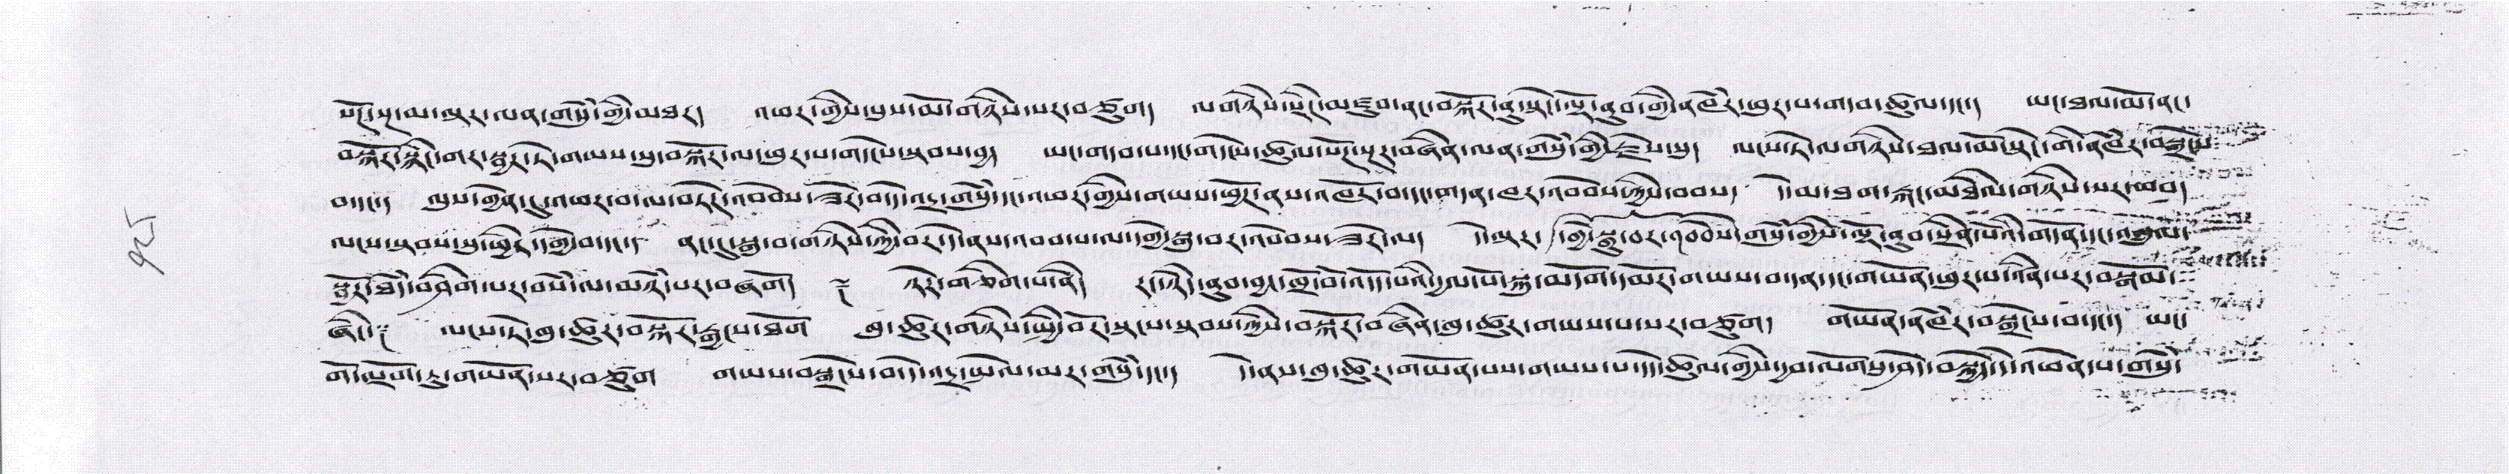སོགས་སྔ་མ་ལྟར་ལན་གསུམ་གྱི་མཐར། འཕར་གྱིས་པུས་མོ་གཉིས་སར་བཙུགས། ལག་གཉིས་སྡིགས་མཛུབ་ནང་བསྐོར་ནུ་སྟེང་ལྷོ་ནུབ་ཀྱི་ནམ་མཁར་ཕུར་པ་གདབ་ཚུལ་དང་། ཡང་ཐལ་མོ་ནང་
བསྐོར་སྙིང་གར་སྦྱར་ཏེ་གཡས་སུ་བསྐོར་ལ་ཕུར་པ་གདེངས་སྟབས་བྱ། ཡང་གདབ་པ་དང་གདེངས་ཚུལ་སོགས་སྔར་བཞིན་ལན་གསུམ་གྱི་རྗེས་སུ། ལངས་ཏེ་ལག་གཉིས་ཐལ་མོ་སྟེང་གི་ནམ་མཁར་བསྒྲེངས་
བ་དང་། ལུས་གྱེན་དུ་འཕར་བ་ལ་བཏེགས་འབེབས་ཟེར་བ་དེ་འདྲ་གསུམ་དང་འཕར་གྱིས་གཡས་ཕྱོགས་ནས་འཁོར་བ་དང་གདན་ཁར་འབེབས་ཀྱིས་བབས། དེ་མ་ཐག་རྐང་མཐིལ་གཉིས་སར་ཕབ། 
ལངས་སྟབས་ཀྱིས་ཕྱིར་དགྱེ་བ་དང་། ནང་དུ་སྒུ་བ་གཉིས་ཀྱི་བར་དེ་ནས་འབབ་པ་ལ་དགྱེ་སྒུ་བར་འབེབས་ཟེར་ལ། དེ་ལྟར་༼དགྱེ་སྒུ་བར་འབེབས་གསུམ་༽གྱིས་ལྷོ་ནུབ་སྲིན་པོའི་གདོན་དང་འཁྲུལ་
སྦྱོར་ཐམས་ཅད་བཤིག་པར་བསམ་ལ་མཉམ་པར་བཞག་གོ། ༧ ཉེར་གཅིག་པ་ནི། རང་ཉིད་ནུབ་བྱང་ཁྲོ་བོ་འདོད་པའི་རྒྱལ་པོ་སྐུ་མདོག་དམར་པོ་གཡས་བ་དན་དང་གཡོན་ཕུར་པ་འཛིན་པར་བསྒོམ་
ཞིང་། ལངས་ཏེ་ཁུ་ཚུར་བསྐོར་རྒྱངས་ཐོག ཁུ་ཚུར་གཉིས་སྤྱི་བོར་སྟངས་སྟབས་ཀྱིས་བསྐོར་བཞིན་ཁུ་ཚུར་གཡས་པ་སར་བཙུགས། གཡོན་ནམ་མཁར་བསྒྲེངས་བ་དང་། ཡང་
གོ་ལྡོག་ཏུ་གཡོན་སར་བཙུགས། གཡས་བསྒྲེང་བ་དེ་འདྲ་སྤེལ་མར་གསུམ་དང་། དེ་ནས་ཁུ་ཚུར་གཡོན་པས་གཡས་པ་དེད་ཚུལ་གྱིས་རྒྱབ་ལོགས་སུ་ཤེད་བསྐྱེད་དེ་འཕེན་པ་གསུམ་